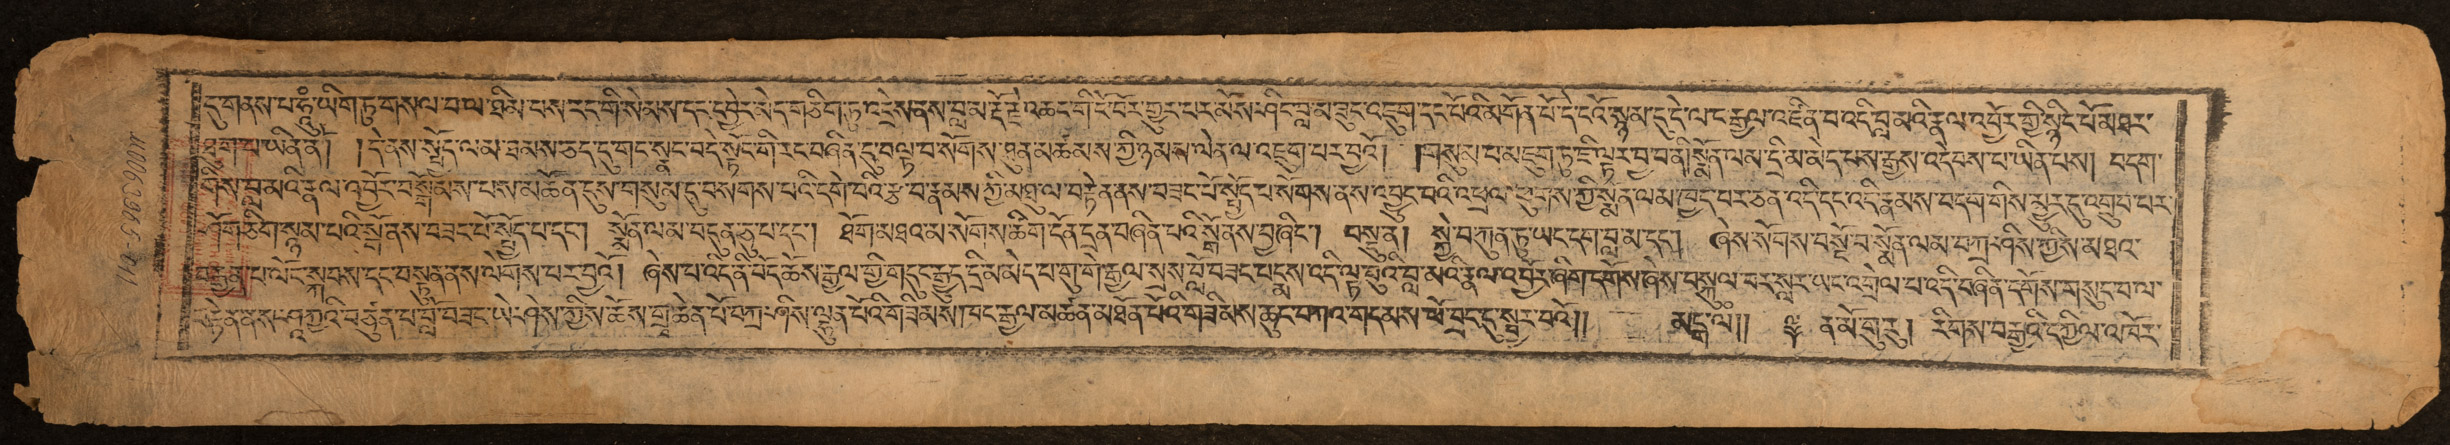དུ་གནས་པ་ཧཱུཾ་ཡིག་ཏུ་གསལ་བ་ལ་ཐིམ་པས་རང་གི་སེམས་དང་དབྱེར་མེད་གཅིག་ཏུ་འདྲེས་ནས་བླ་མ་རྡོ་རྗེ་འཆང་གི་ངོ་བོར་གྱུར་པར་མོས་ཤིང་བླ་མ་ཟུང་འུག་དང་པོའི་མགོན་པོ་དེ་ངའོ་སྙམ་དུ་དེ་ལ་ང་རྒྱལ་འཛིན་པ་འདི་བླ་མའི་འབྱོར་གྱི་སྙིང་པོ་མཐར་
ཐུག་པ་ཡིན་ནོ། །དེ་ནས་སྤྱོད་ལམ་ཐམས་ཅད་དུ་གང་སྣང་བདེ་སྟོང་གི་རང་བཞིན་དུ་བལྟ་བ་སོགས་ཐུན་མཚམས་ཀྱི་ཉམས་ལེན་ལ་འཇུག་པར་བྱའོ། །གསུམ་པ་མཇུག་ཏུ་ཇི་ལྟར་བྱ་བ་ནི། སྨོན་ལམ་དྲི་མ་མེད་པས་རྒྱས་འདེ་བས་པ་ཡིན་པས། བདག་
གིས་བླ་མའི་རྣལ་འབྱོར་བསྒོམས་པས་མཚོན་དུས་གསུམ་དུ་བསགས་པའི་དགེ་བའི་རྩ་བ་རྣམས་ཀྱི་མཐུ་ལ་བརྟེན་ནས་བཟང་པོ་སྦྱོད་པ་སོགས་ནས་འབྱུང་བའི་འཕྲལ་ཕུགས་ཀྱི་སྨོན་ལམ་ཁྱད་པར་ཅན་འདི་དང་འདི་རྣམས་བདག་གིས་མྱུར་དུ་འགྲུབ་པར་
ཤོག་ཅིག་སྙམ་པའི་སྒོ་ནས་བཟང་པོ་སྤྱོད་པ་དང་། སྨོན་ལམ་བདུན་ཅུ་པ་དང་། ཐོག་མཐའ་མ་སོགས་ཚིག་དོན་དྲན་བཞིན་པའི་སྒོ་ནས་བྱ་ཞིང་། བསྡུ་ན། སྐྱེ་བ་ཀུན་ཏུ་ཡང་དག་བླ་མ་དང་། ཞེས་སོགས་བསྔོ་བ་སྨོན་ལམ་བཀྲ་ཤིས་ཀྱིས་མཐའ་
བརྒྱན་པ་ལོང་སྐབས་དང་བསྟུན་ནས་ལེགས་པར་བྱའོ། ཞེས་པ་འདི་ནི་བོད་ཆོས་རྒྱལ་གྱི་གདུང་རྒྱུད་དྲི་མ་མེད་པ་གུ་གེ་རྒྱལ་སྲས་བློ་བཟང་པདམས་འདི་ལྟ་བུའི་བླ་མའི་རྣལ་འབྱོར་ཞིག་དགོས་ཞེས་བསྐུལ་བར་སླར་ཡང་འགྲེལ་པ་འདི་བཞིན་དགོས་གསུང་བ་ལ་
བརྟེན་ནས་ཤཱཀྱའི་བཙུན་པ་བློ་བཟང་ཡེ་ཤེས་ཀྱིས་ཆོས་གྲྭ་ཆེན་པོ་བཀྲ་ཤིས་ལྷུན་པོའི་གཟིམས་ཁང་རྒྱལ་མཚན་མཐོན་པོའི་གཟིམས་ཆུང་བཀའ་གདམས་ཕོ་བྲང་དུ་སྦྱར་བའོ།། མངྒ་ལཾ།། ༈ ན་མོ་གུ་རུ། རིགས་བརྒྱའི་དཀྱིལ་འཁོ་